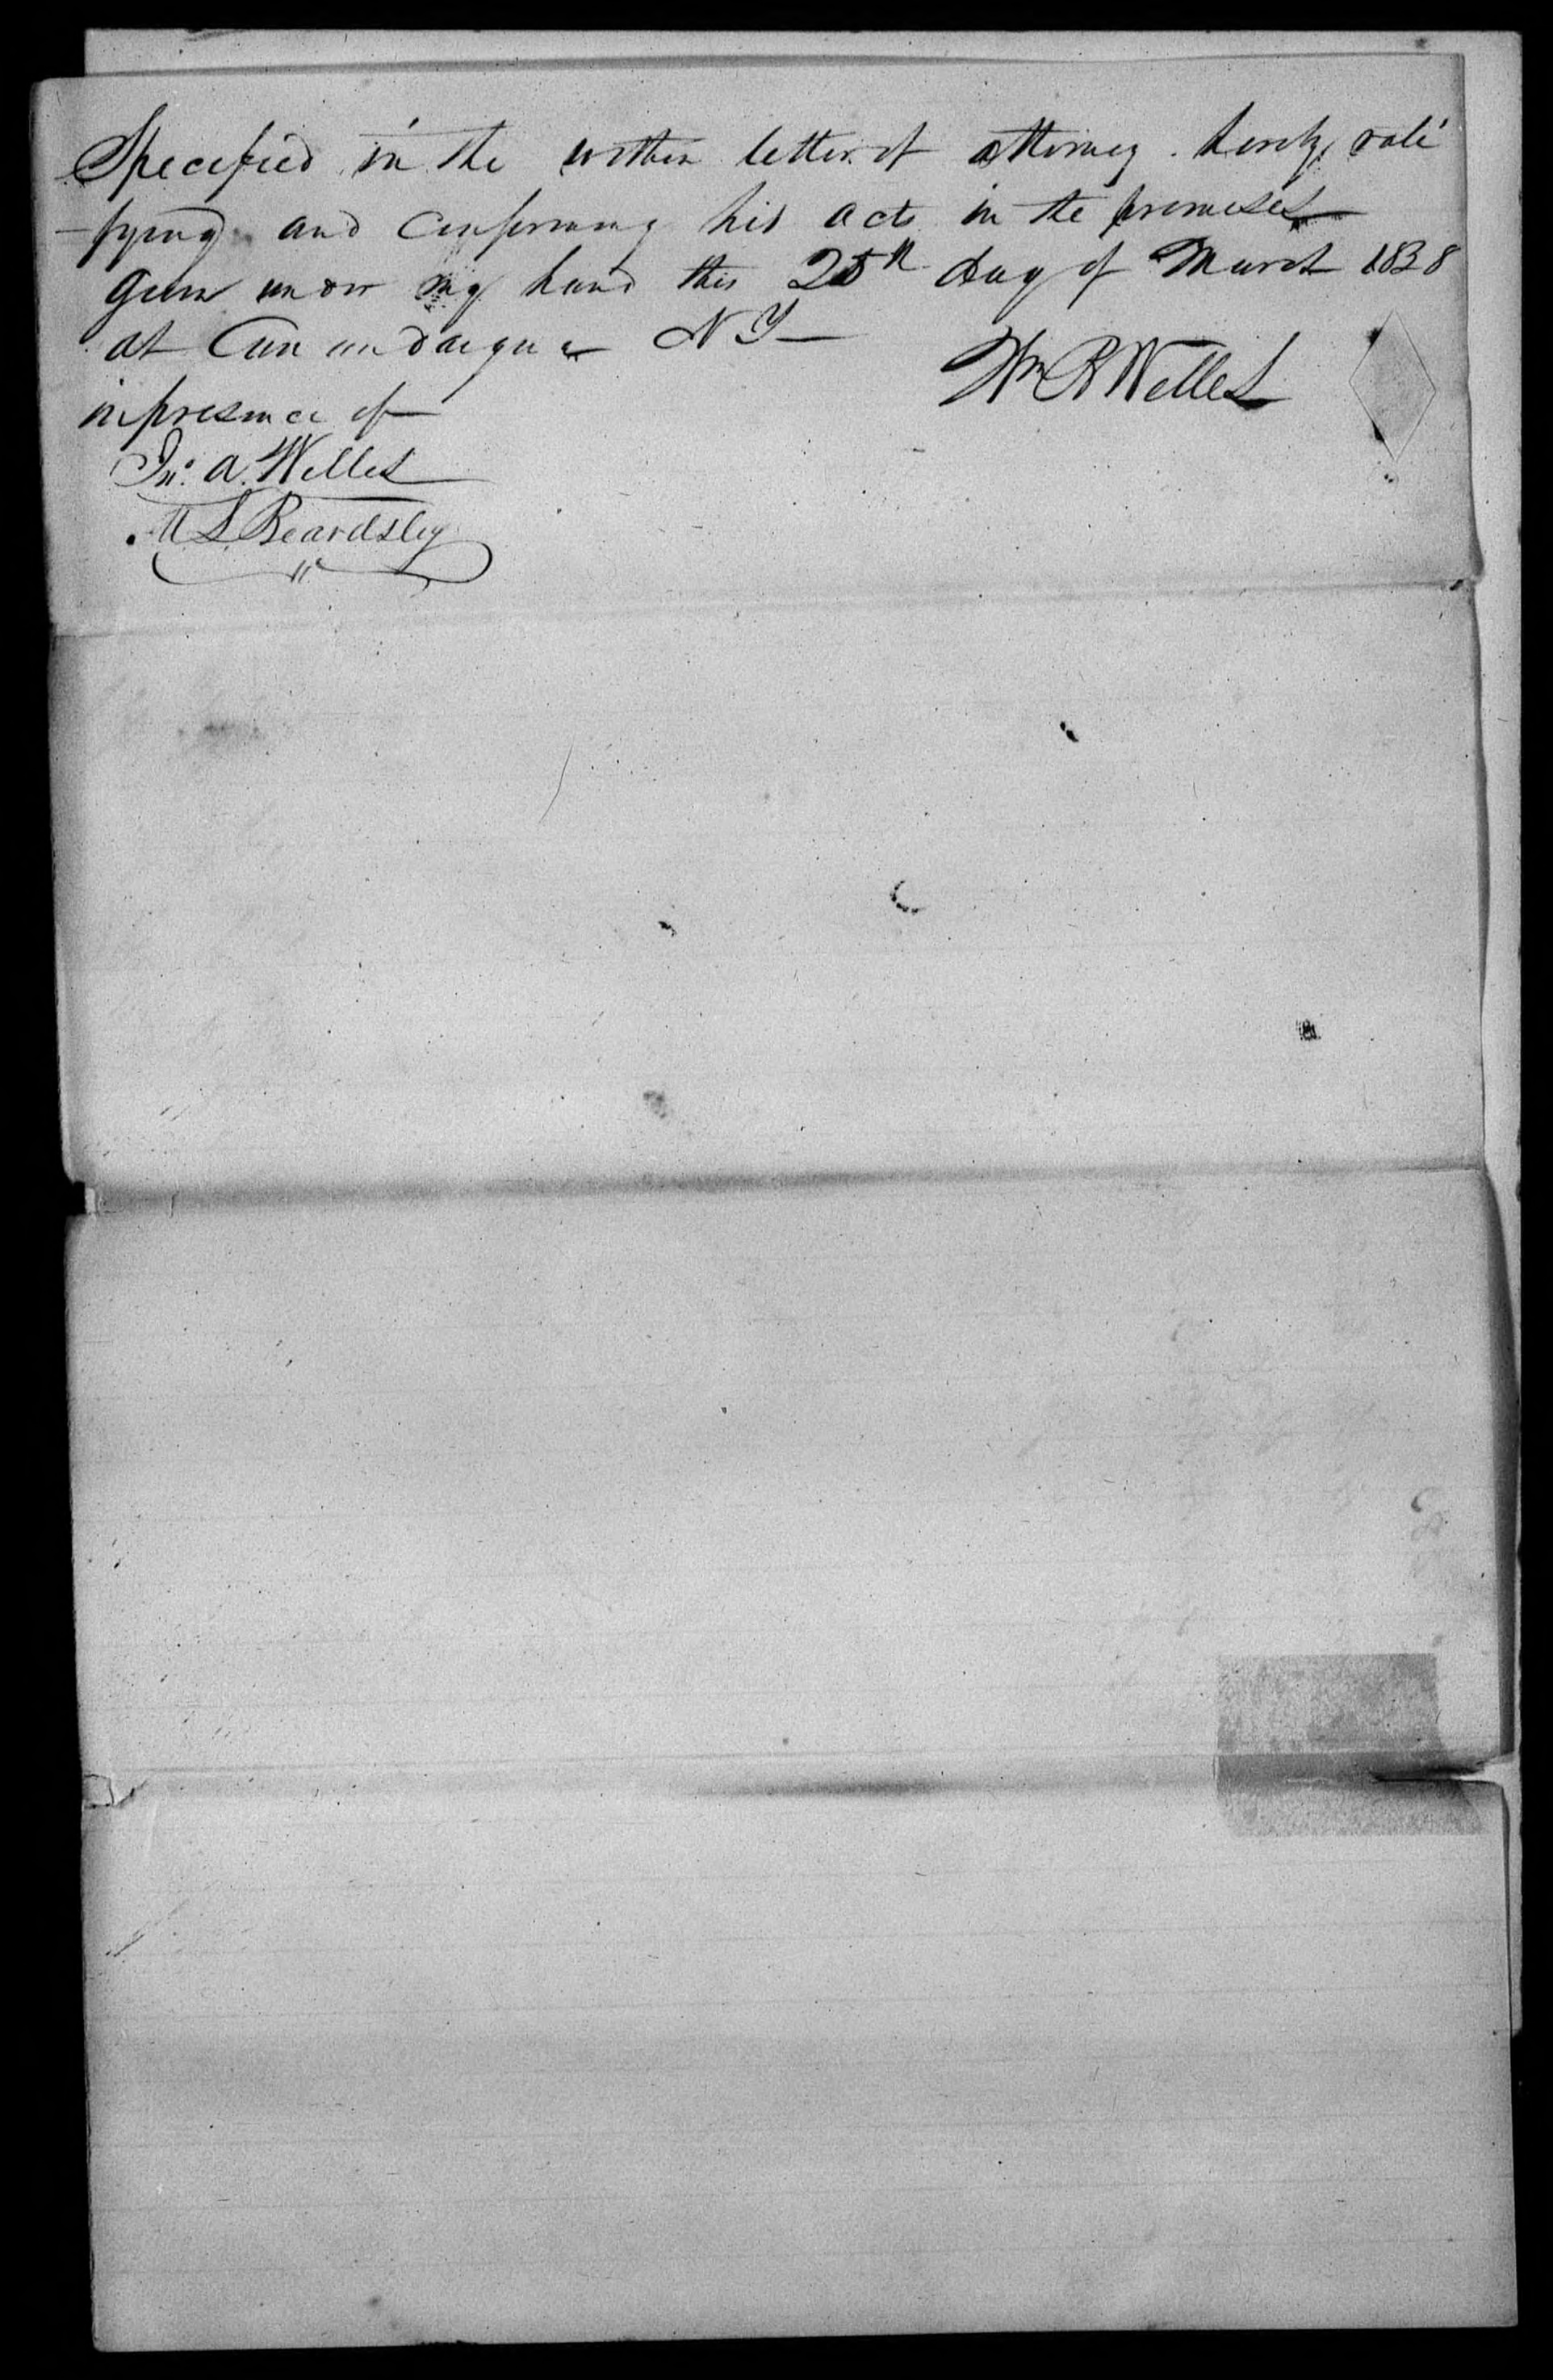Specified in the within letter of attorney hereby ratifying and confirming his acts in the premises given under my hand this 25th day of March 1838 at Canandaigua NY.
Wm. B. Welles
in presence of Jno. A. Welles
A. S. Beardsley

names: A S Beardsley, Jno A Welles, Wm B Welles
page: 19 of 31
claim: survivor's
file: S. 43672, Thomas Hill, New York